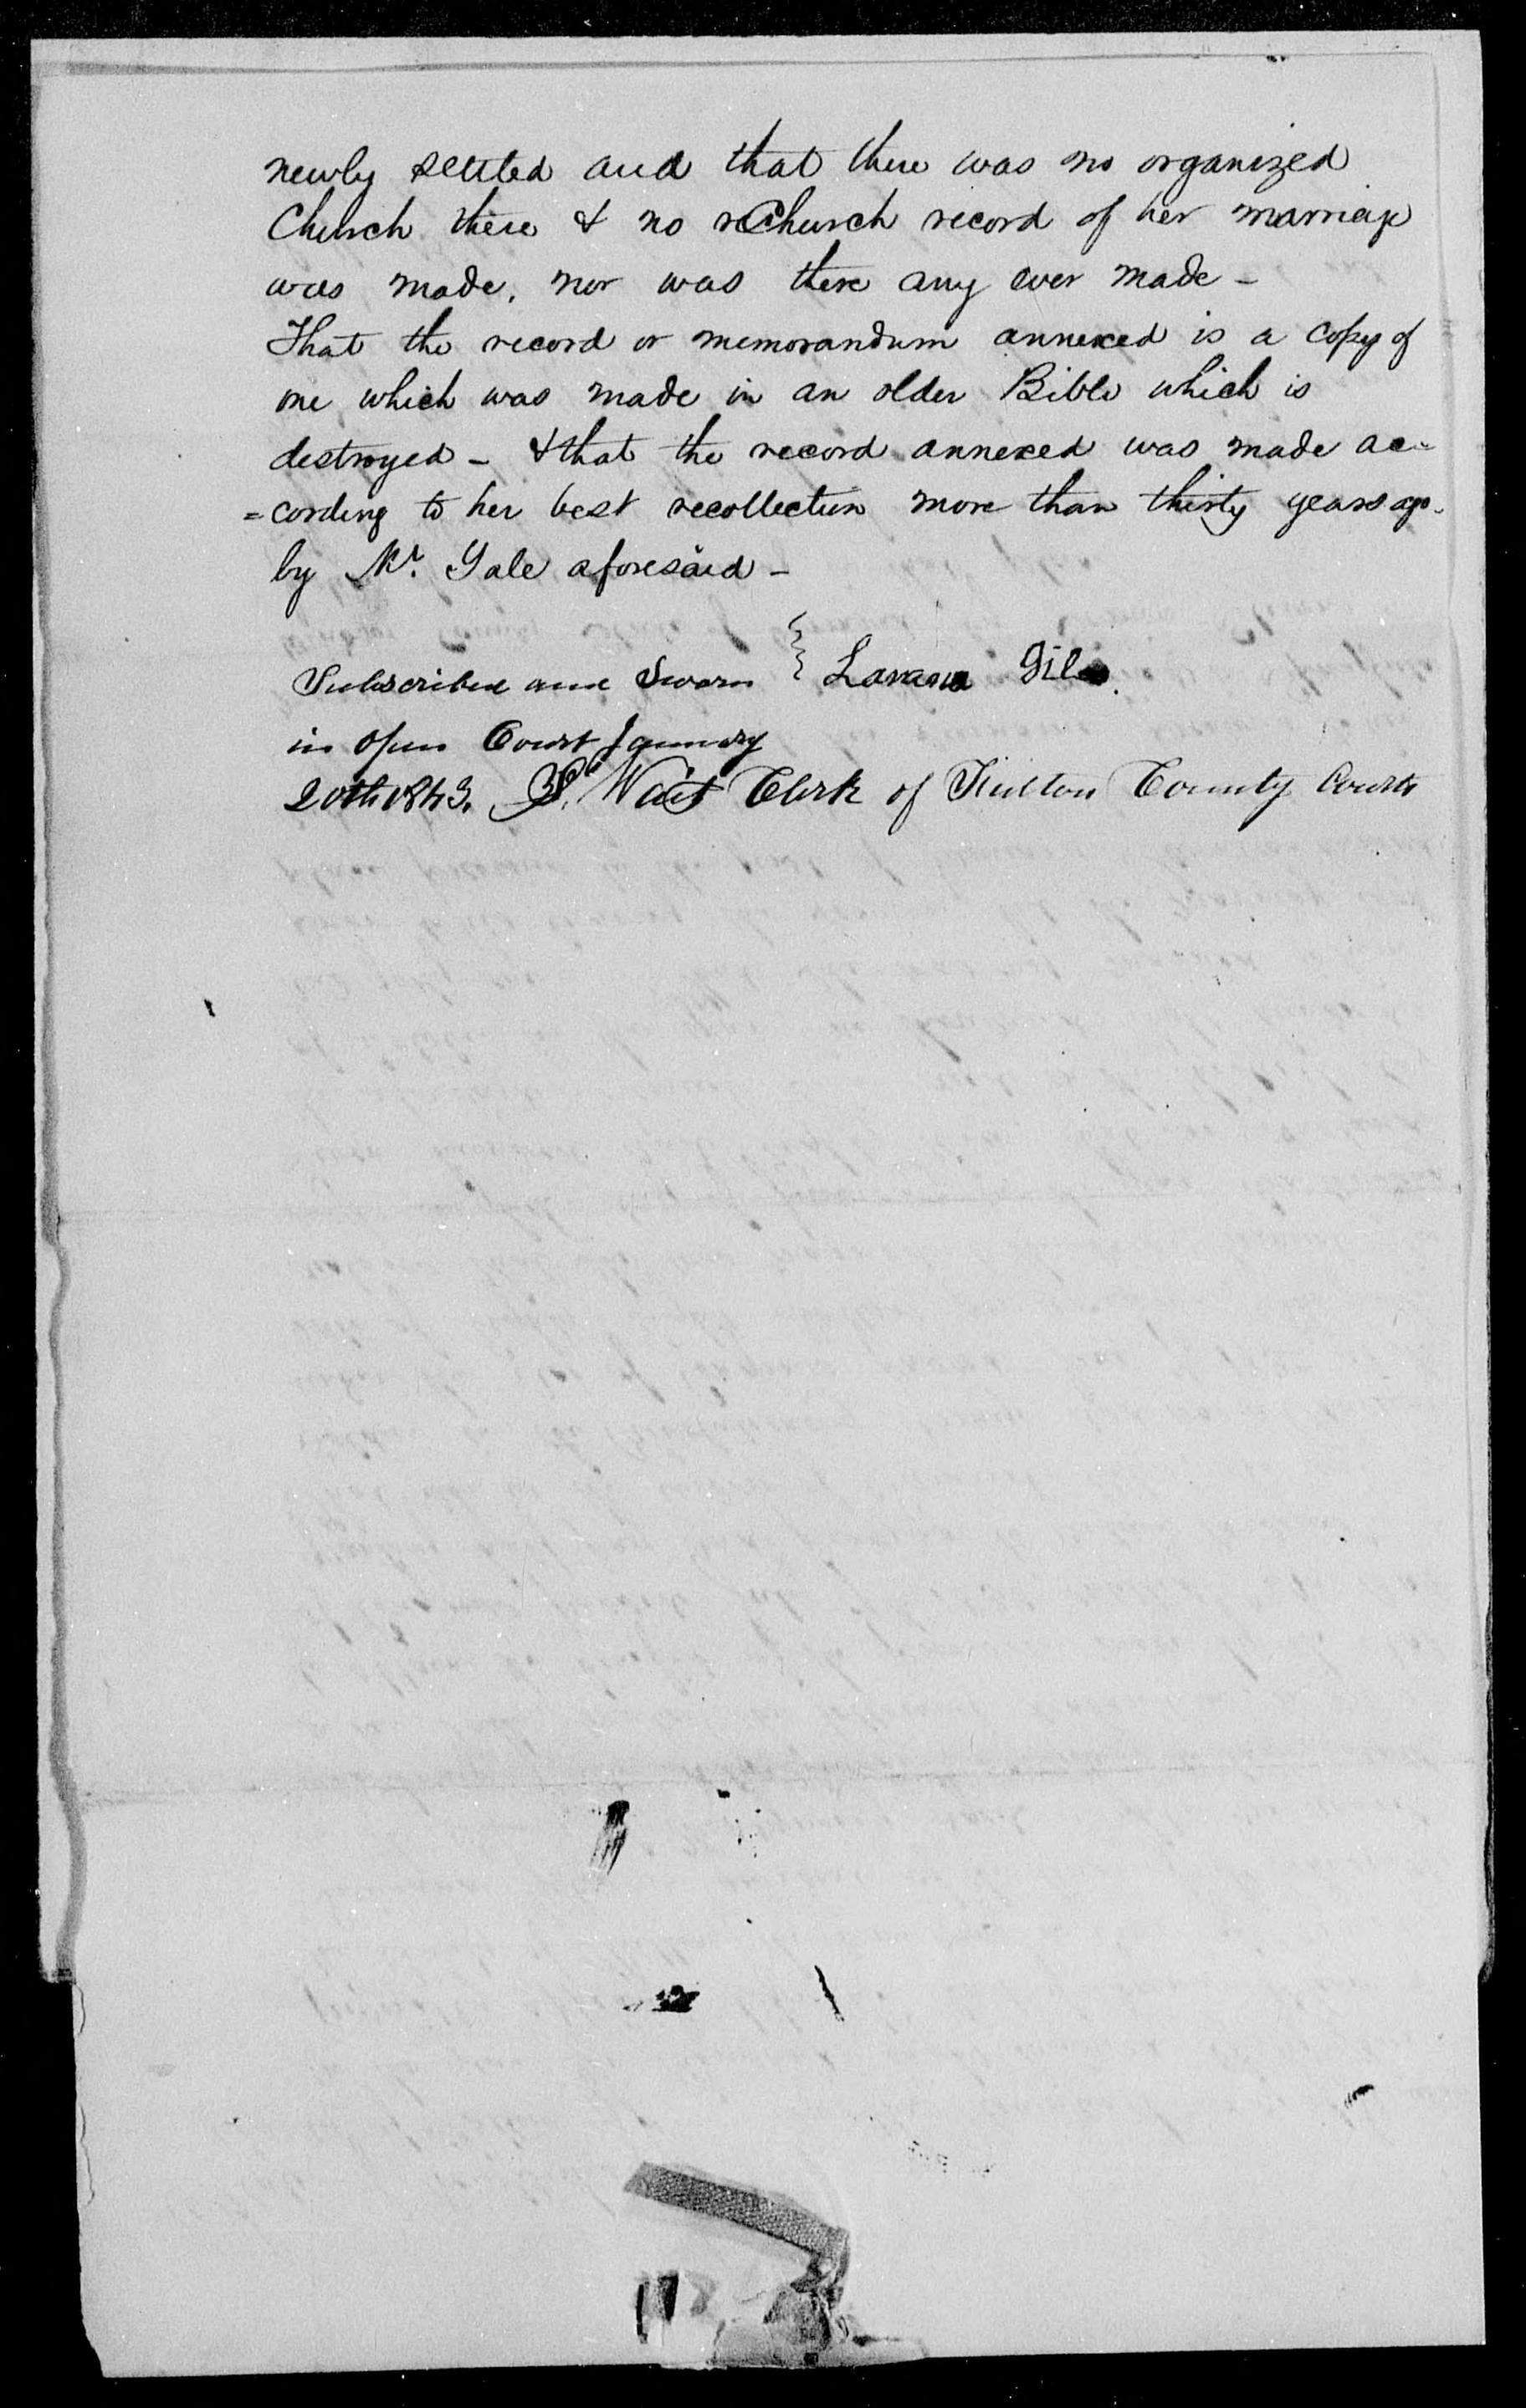newly settled and that there was no organized Church there and no Church record of her marriage was made, nor was there any ever made - That the record or memorandum annexed is a copy of one which was made in an older Bible which is destroyed- That the record annexed was made according to her best recollection more than thirty years ago by Mr. Yale aforesaid-

Subscribed and Sworn       Lauren Giles
in open Court January 
20th 1843                       S. Wait Clerk of Fulton County Court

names: Yale, Lavana Giles, S Wait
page: 9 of 55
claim: widow's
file: W. 19503, Samuel Giles, Conti. Mass. New York